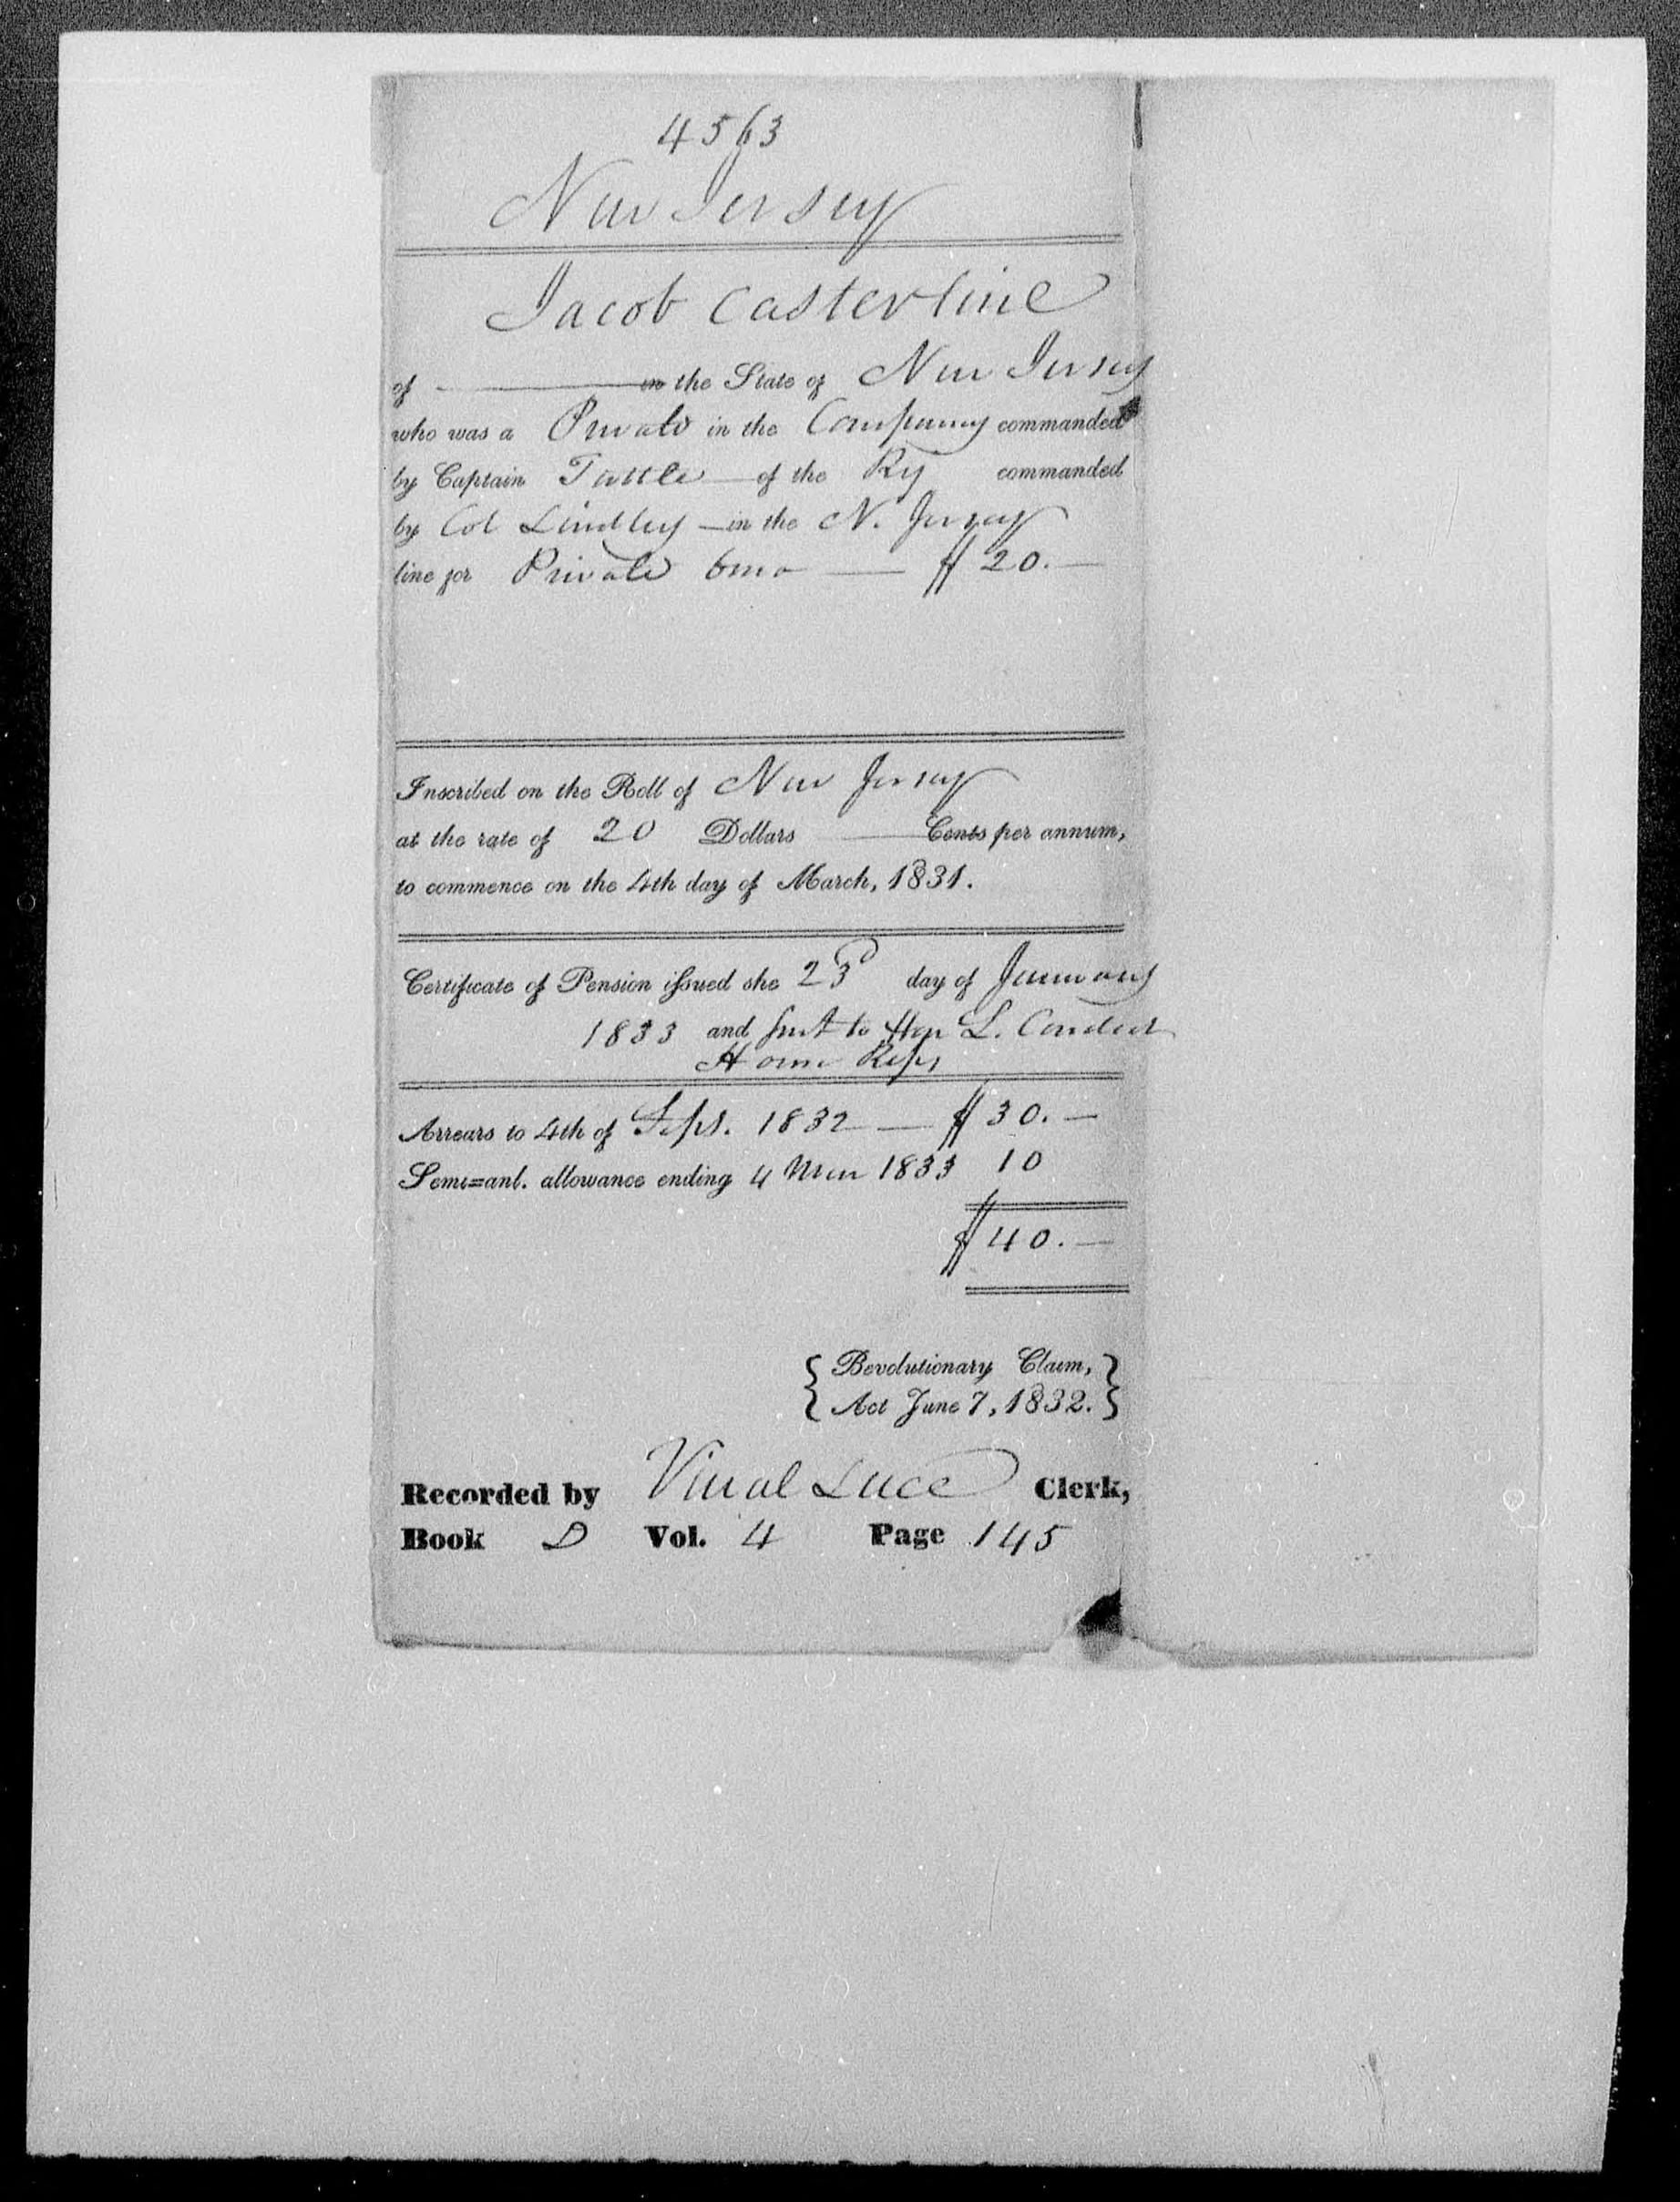4563
New Jersey
Jacob Casterline
of the state of New Jersey
who was a Private in the Company commanded by Captain Tuttle of the Reg. commanded by Col. Lindley in the N. Jersey line for Private   $20

Inscribed on the Roll of New Jersey at the rate of 20 dollars -- cents per annum to commence on the 12th day of March 1831.

Certificate of Pension issued the 23d day of January 1833 and sent to Hon. L Condict use Reps.

Arrears to 4th of Sept 1832  $30
Semi-anl allowance ending 4 mar 1833  10
                                              $40

Revolutionary Claim
Act June 7, 1832

Recorded by Vinal Luce Clerk
Book D Vol 4 page 145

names: L Condict, Lindley, Tuttle, Vinal Luce, Jacob Casterline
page: 15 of 38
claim: widow's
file: W. 6644, Jacob Casterline, New Jersey